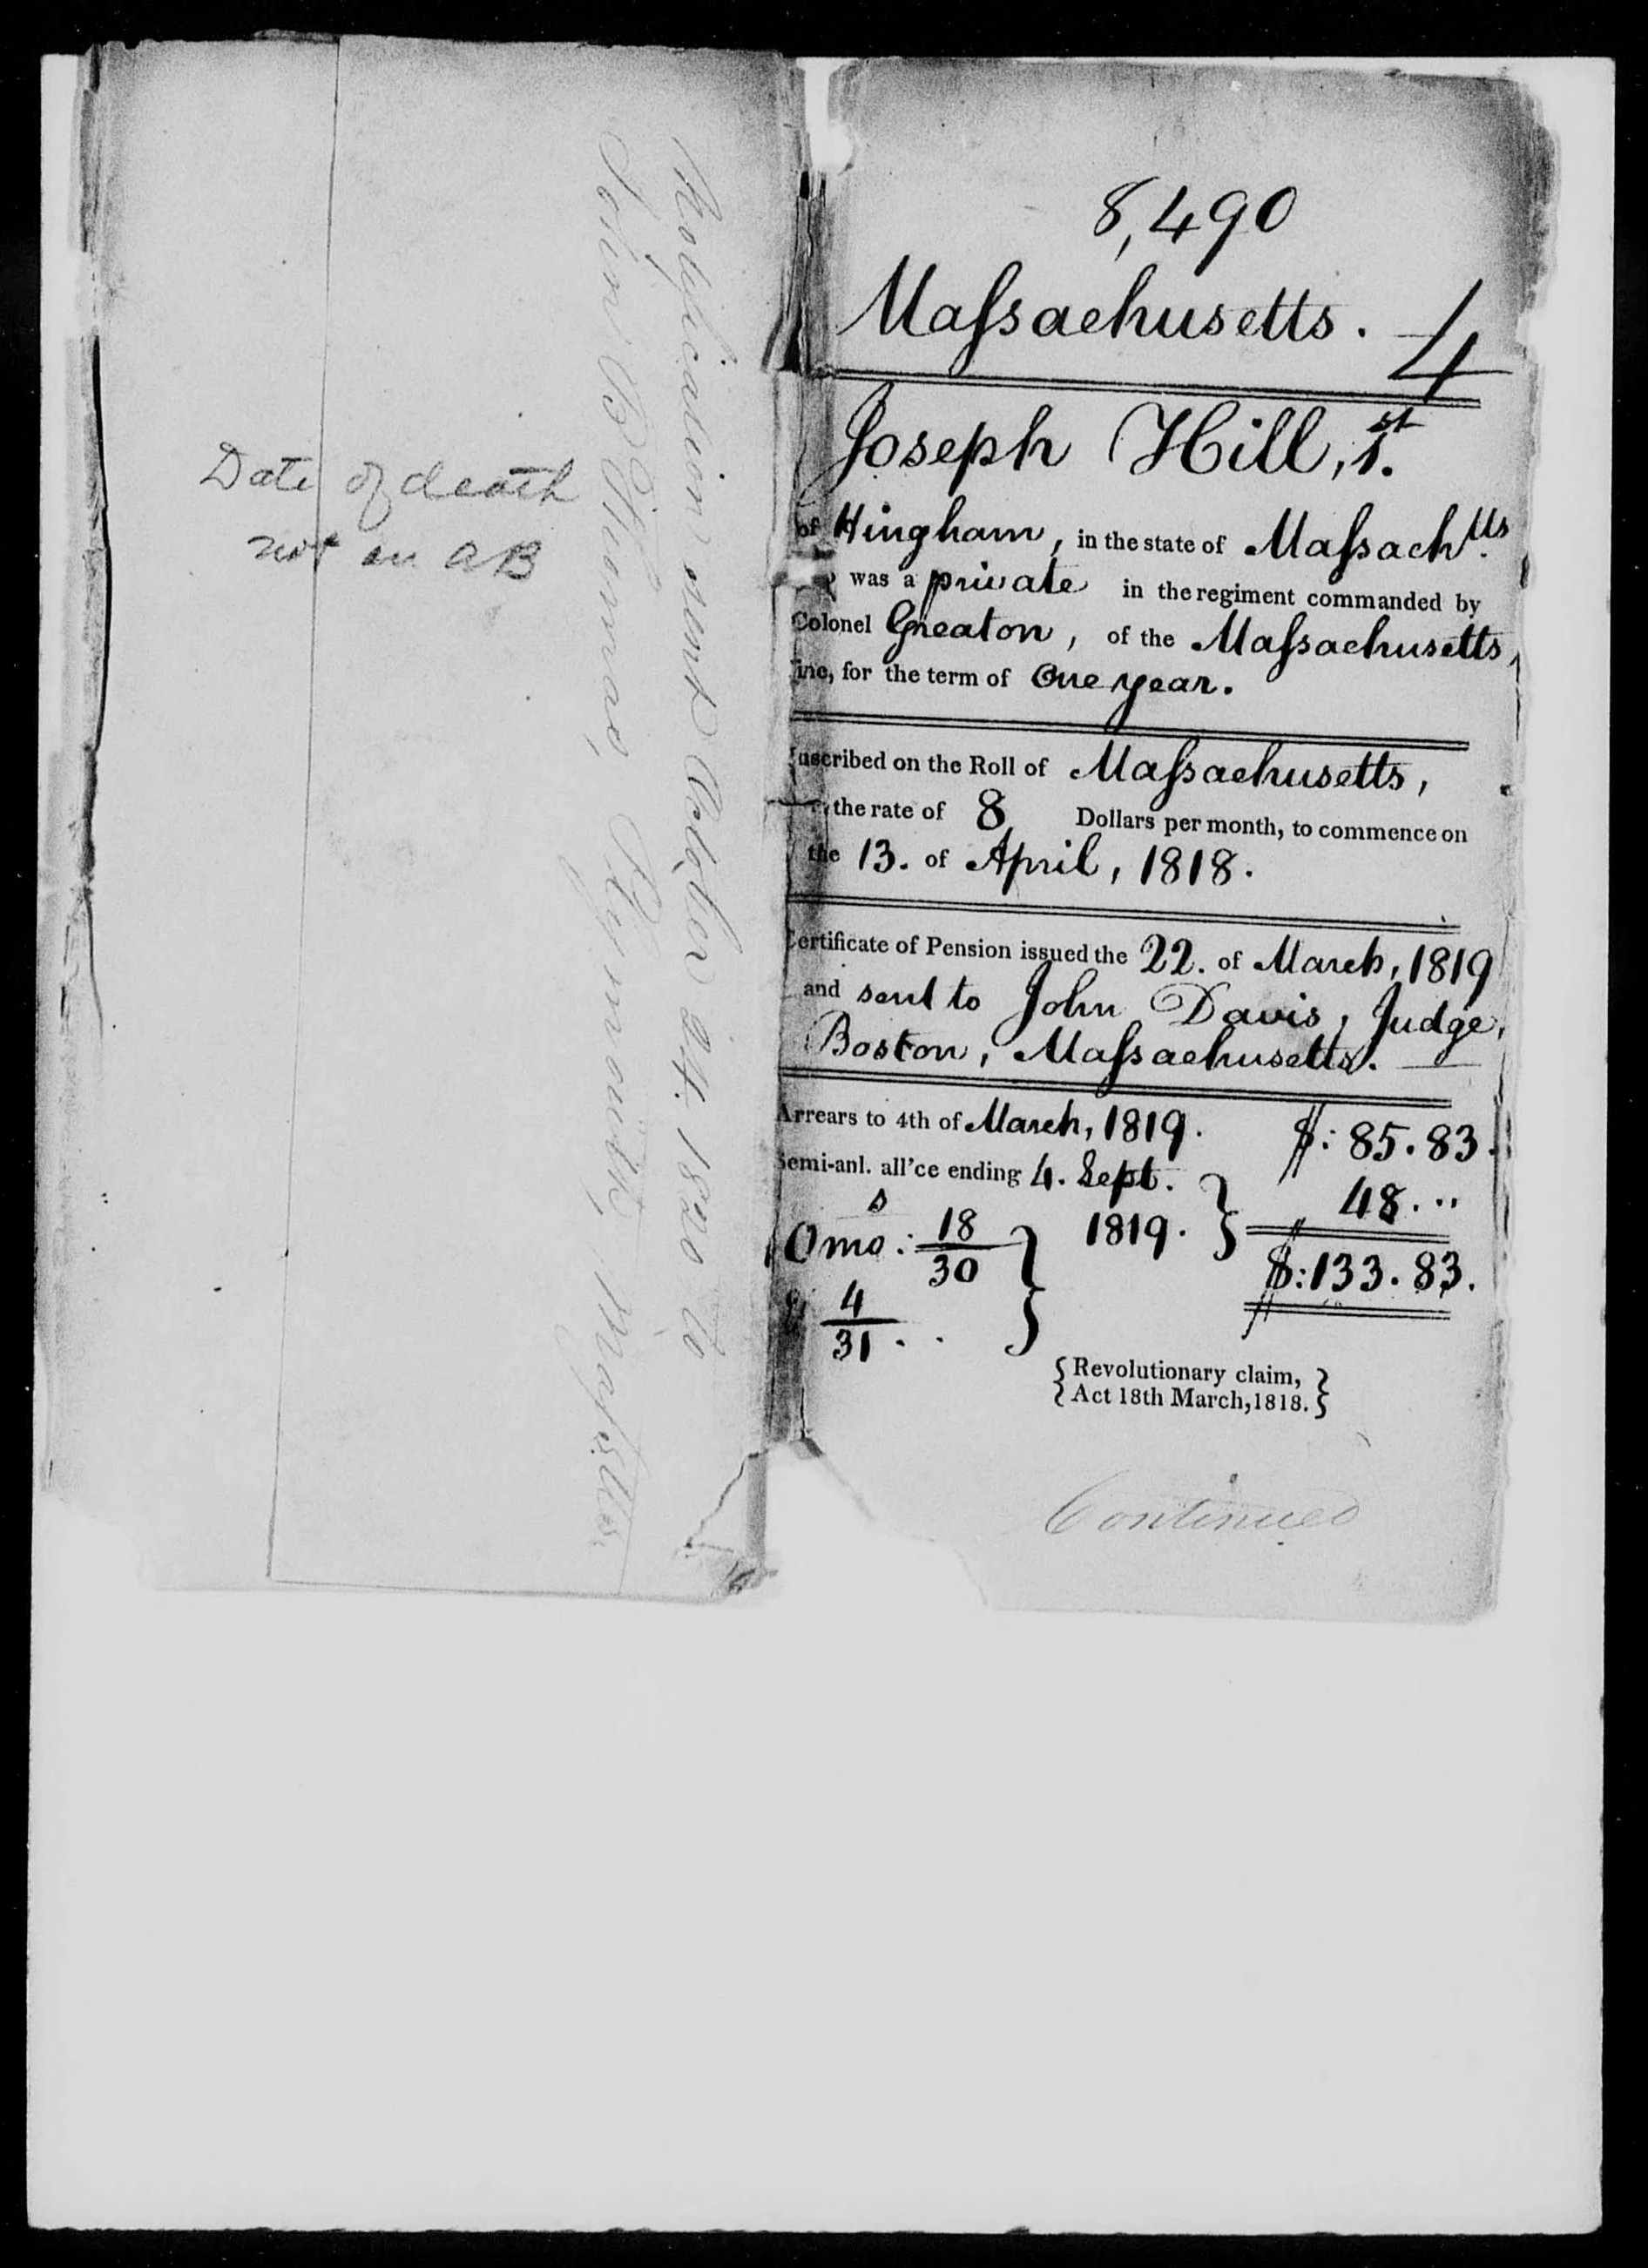8,490
Massachusetts. 4
===============================
JOSEPH HILL, FST.

of Hingham in the state of Massachusetts and was a private in the regiment commanded by Colonel Greaton of Massachusetts for the term of one year.
===============================
Subscribed on the Roll of Massachusetts at the rate of 8 Dollars per month to commence the 13 of April 1818
=============================
Certificate of Pension issued the 22, of March 1819 and sent to John Davis, Judge Boston, Massachusetts.
=============================
Arrears to 4th of March 1819-----------$85.83
semi-anl. all'ce ending 4 Sept 1819-----$48.
===============================
------------------------------------------$133.83

oms: 18/30
& 4/31

{Revolutionary claim, 
Act 18th March 1818}

Continued

(written on left side of certificate)

Date of death not in aB

(written perpendicular on left side of the certificate)
Notification sent October 24. 1820 to John B. Thomas Plymouth, Massachusetts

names: Joseph Hill, John Davis, Greaton, John B Thomas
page: 2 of 14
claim: survivor's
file: S. 3,3303, Joseph Hill, Continental (Mass.)